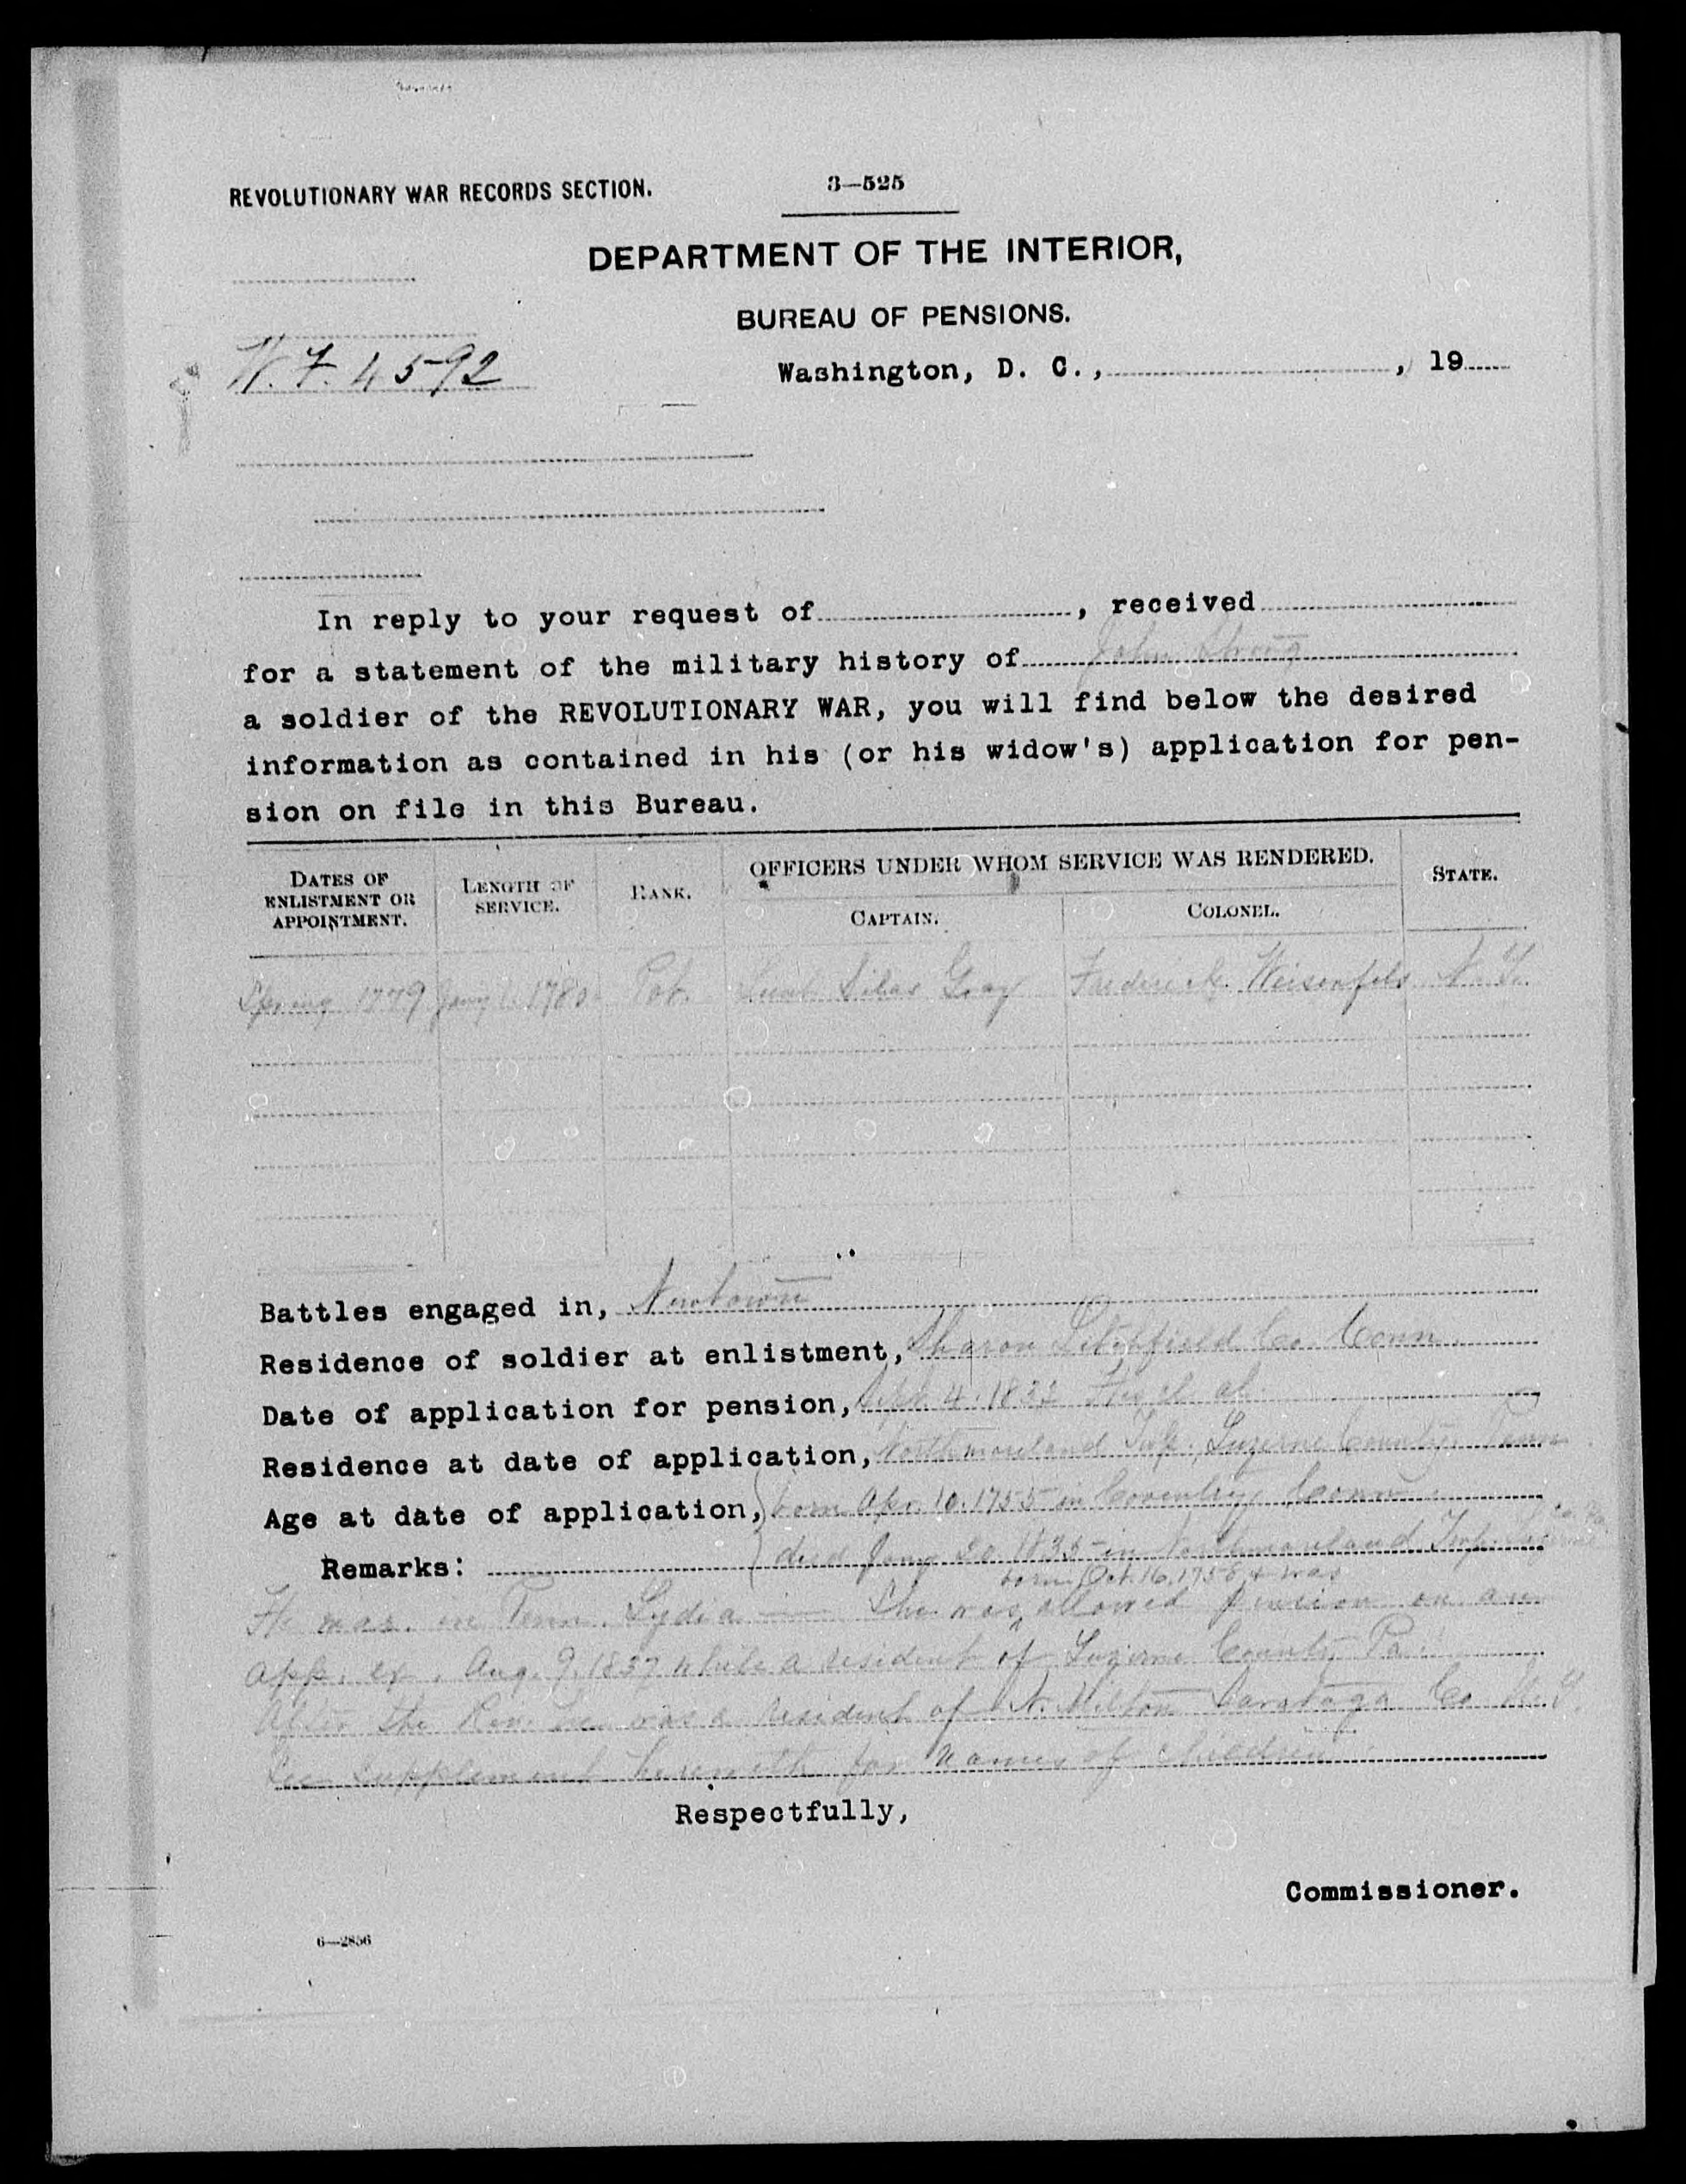REVOLUTIONARY WAR RECORDS SECTION.   3-525
DEPARTMENT OF THE INTERIOR, 
BUREAU OF PENSIONS. 
Washington, D. C. 19 

W. F. 4592
In reply to your request of [  ] received [  ] a statement of the military history of John Strong a soldier of the REVOLUTIONARY WAR, you will find below the desired formation as contained in his (or his widow's) application for pension file in this Bureau. 

[TABLE]
DATES OF ENLISTMENT OR APPOINTMENT. Spring 1779
LENGTH OF SERVICE. Jany 6 1780 
RANK. Pvt. 
OFFICERS UNDER WHOM SERVICE WAS RENDERED. CAPTAIN. Lieut. Silas Gray  COLONEL Frederick Weisenfels
STATE  N. Y.
[END OF TABLE]
Battles engaged in, Newtown. 
Residence of soldier at enlistment, Sharon Litchfield Co. Conn.
Date of application for pension, Sept. 4 1824 [illegible] et al
Residence at date of application, Northmoreland Twp., Luzerne County Penna
Age at date of application, born Apr 10 1755 in Coventry Conn.
Died Jany 20, 1835 in Northmoreland Twp, Luzerne Co. Penna
Remarks: He mar. in Penna. Lydia - She was born Oct. 16, 1758 & was allowed pension on an app. Ex. Aug. 9, 1837 while a resident of Luzerne County, Pa.  After the Rev. he was a resident of Milton Saratoga Co N.Y. See Supplement herewith for names of children 
Respectfully, 
Commissioner.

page: 29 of 33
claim: widow's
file: W. 4592, for John Strong, New York